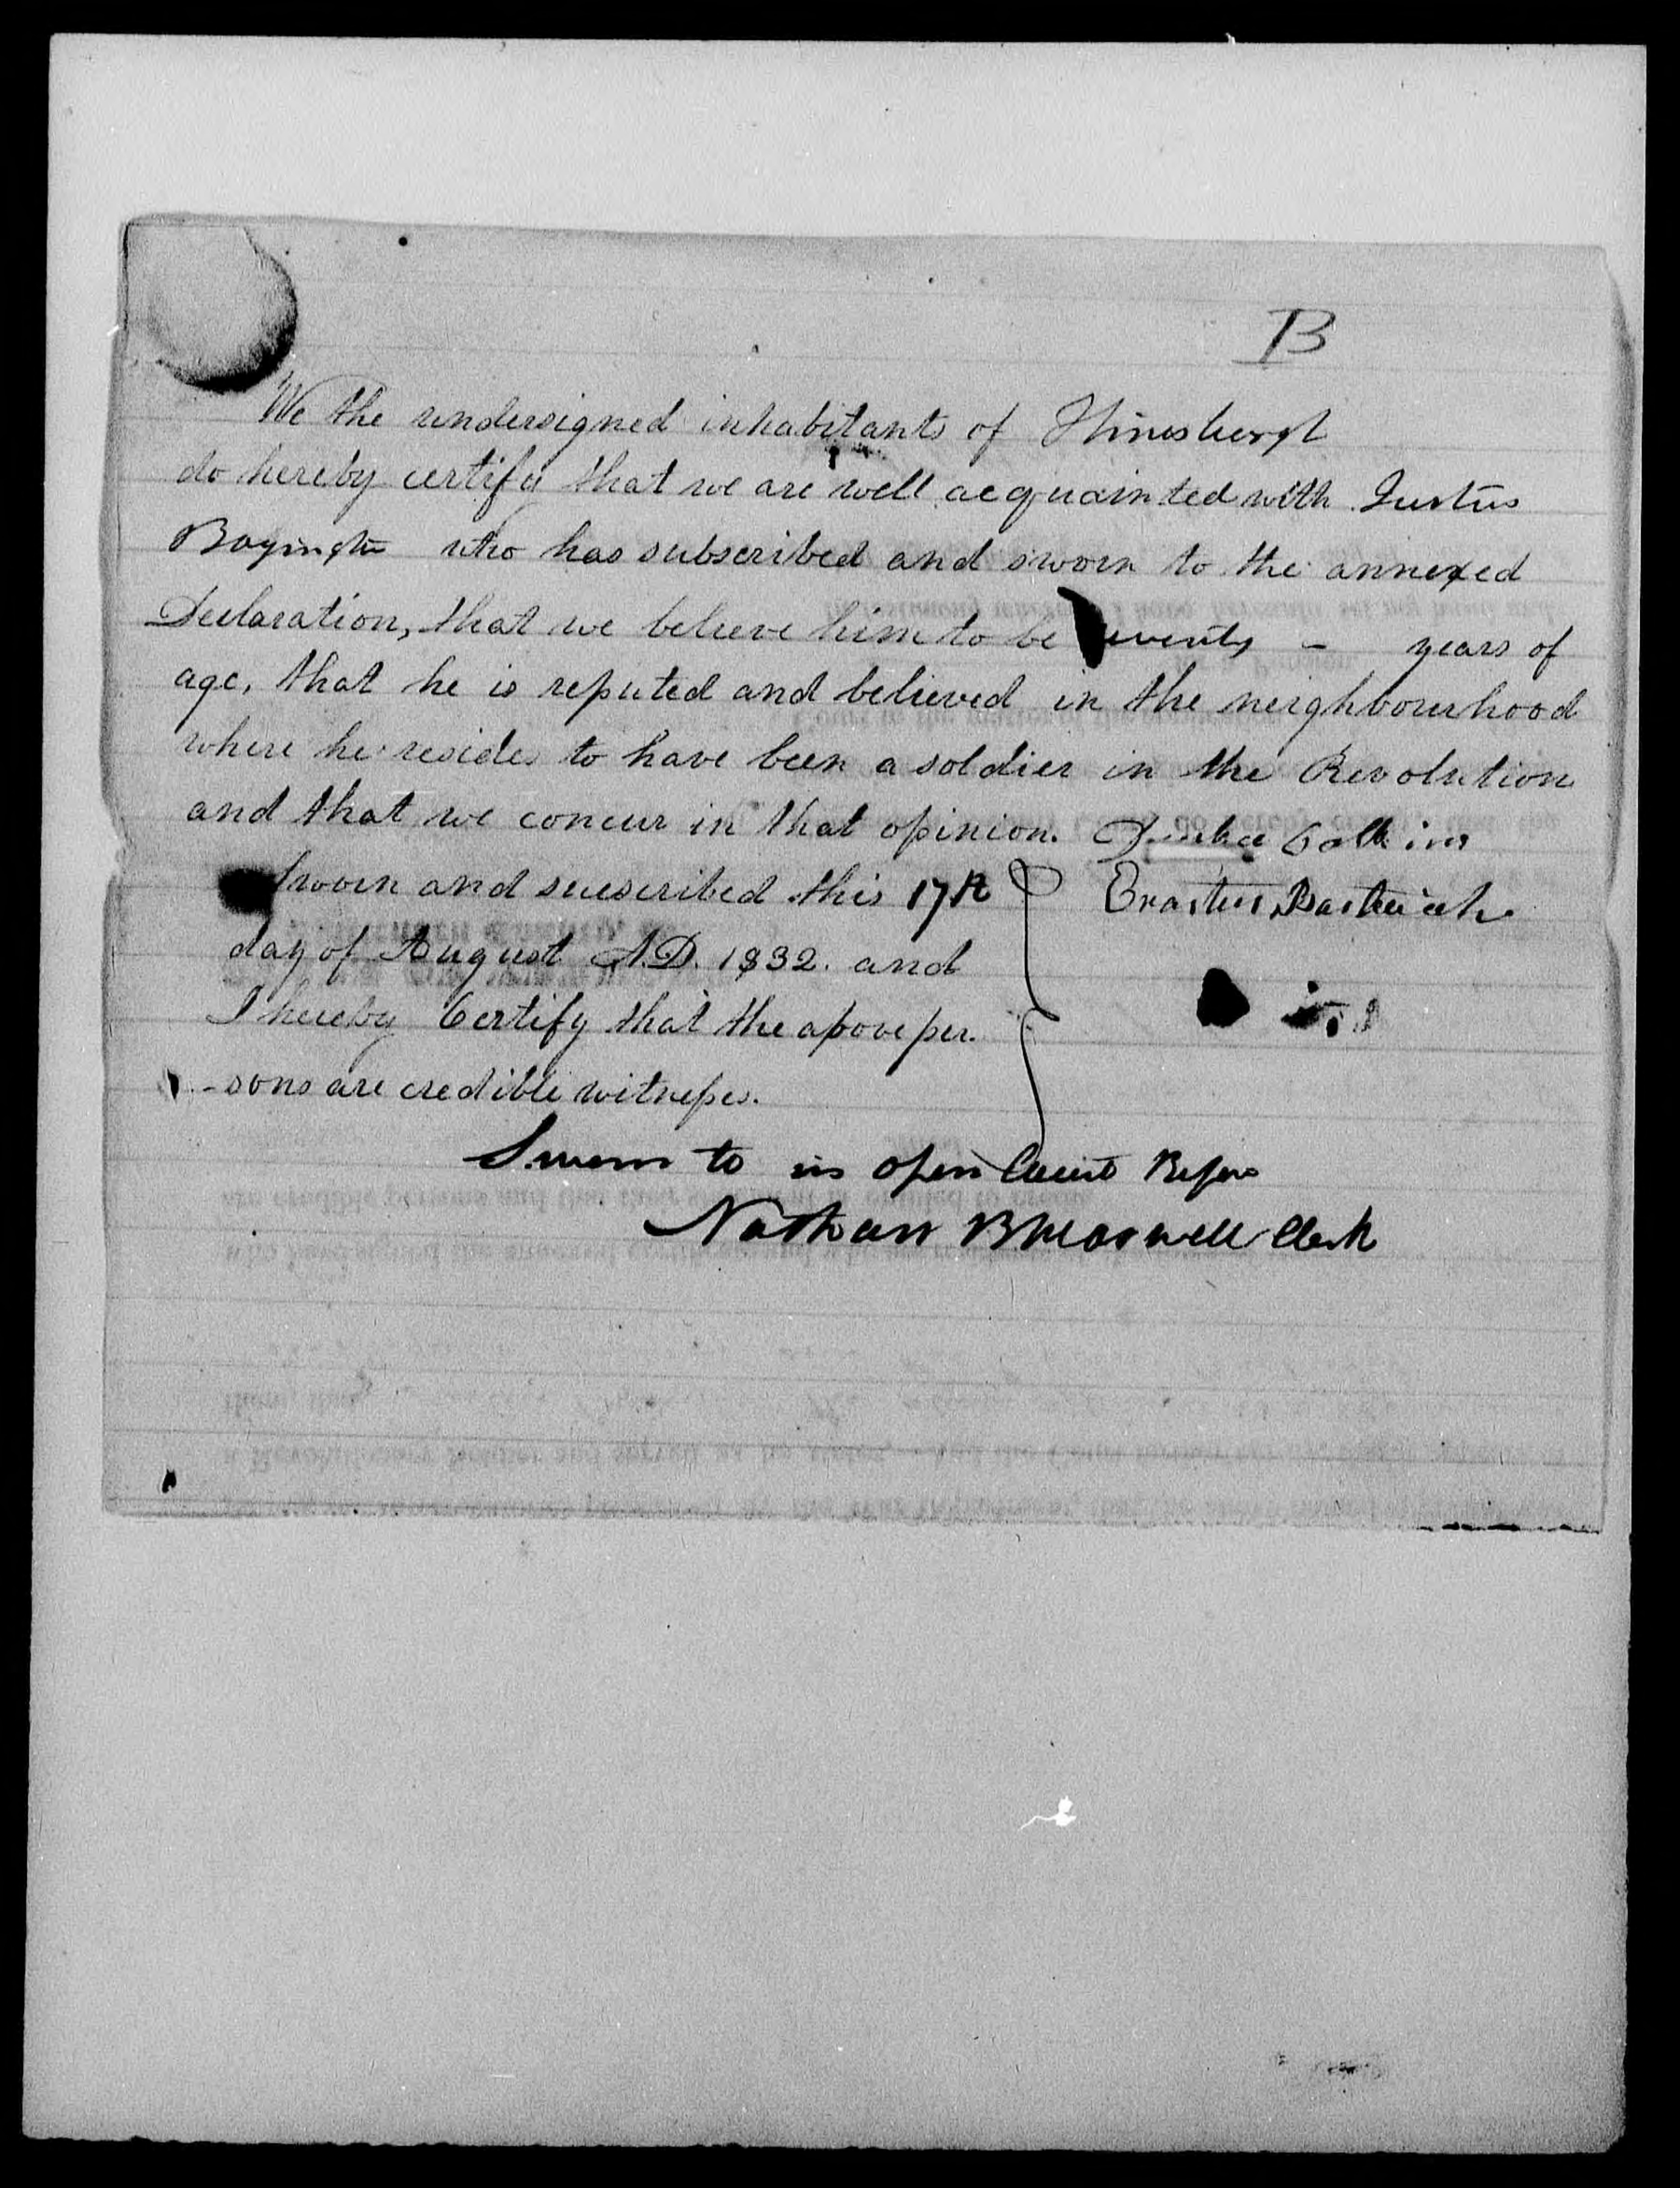IB

We the undersigned inhabitants of Johnsburgh do hereby certify that we are well acquainted with Justus Byington who has subscribed and sworn to the annexed declaration, that we believe him o be seventy (illegible) years of age, that he is reputed and believed in the neighbourhood where he resides to have been a soldier in the Revolution and that we concur in that opinion.
Disbee Collins
Erastus Bartwick

Sworn and subscribed this 17th day of August A.D. 1832 and I hereby certify that the above persons are credible witnesses

Sworn to in open court before
Nathan B Maxwell Clerk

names: Drisbee Collins, Justus Bayington, Nathan B Maswell, Erastus Bartwick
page: 22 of 79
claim: widow's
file: W. 23754, Justus Byington, Conn.